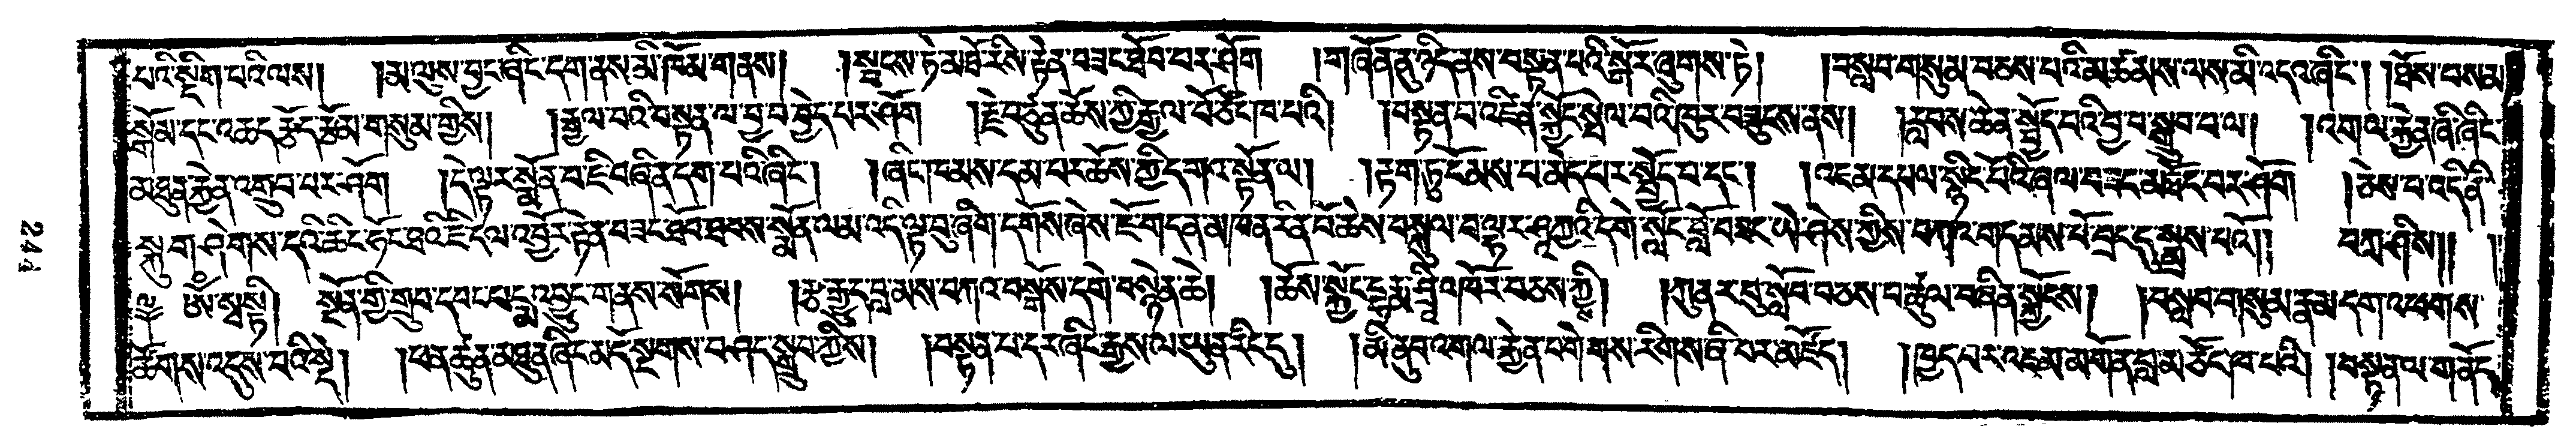པའི་སྡིག་པའི་ལས། །མ་ལུས་བྱང་ཞིང་དག་ནས་མི་ཁོམ་གནས། །སྤངས་ཏེ་མཐོ་རིས་རྟེན་བཟང་ཐོབ་པར་ཤོག །གཞོན་ནུ་ཉིད་ནས་བསྟན་པའི་སྒོར་ཞུགས་ཏེ། །བསླབ་གསུམ་བཅས་པའི་མཚམས་ལས་མི་འདའ་ཞིང་། །ཐོས་བསམ་
སྒོམ་དང་འཆད་རྩོད་རྩོམ་གསུམ་གྱིས། །རྒྱལ་བའི་བསྟན་ལ་བྱ་བ་བྱེད་པར་ཤོག །རྗེ་བཙུན་ཆོས་ཀྱི་རྒྱལ་པོ་ཙོང་ཁ་པའི། །བསྟན་པ་འཛིན་སྐྱོང་སྤེལ་བའི་ཁུར་བཟུངས་ནས། །རླབས་ཆེན་སྤྱོད་བའི་བྱ་བ་སྒྲུབ་པ་ལ། །འགལ་རྐྱེན་ཞི་ཞིང་
མཐུན་རྐྱེན་འགྲུབ་པར་ཤོག །དེ་ལྟར་སྨོན་བ་ཇི་བཞིན་དག་པའི་ཞིང་། །ཞིང་ཁམས་དམ་པར་ཆོས་ཀྱི་དགའ་སྟོན་ལ། །རྟག་ཏུ་ངོམས་པ་མེད་པར་སྤྱོད་པ་དང་། །འཇམ་དཔལ་སྙིང་པོའི་ཞལ་བཟང་མཐོང་བར་ཤོག །ཅེས་པ་འདི་ནི་
སྐུ་གཤེགས་དའི་ཆིང་ཧོང་ཐའི་ཇི་དལ་འབྱོར་རྟེན་བཟང་ཐོབ་ཐབས་སྨོན་ལམ་འདི་ལྟ་བུ་ཞིག་དགོས་ཞེས་ཇོ་གདན་མཁན་རིན་པོ་ཆེས་བསྐུལ་བ་ལྟར་ཤཱཀྱའི་དགེ་སློང་བློ་བཟང་ཡེ་ཤེས་ཀྱིས་བཀའ་གདམས་པོ་བྲང་དུ་སྨྲས་པའོ།། བཀྲ་ཤིས།། །།
༈ ཨོཾ་སྭསྟི། སྔོན་གྱི་གྲུབ་དབང་པདམ་འབྱུང་གནས་སོགས། །རྩ་རྒྱུད་བླ་མས་བཀའ་བསྒོས་དགེ་བསྙེན་ཆེ། །ཆོས་སྐྱོང་དྷརྨ་ཤྲཱི་འཁོར་བཅས་ཀྱིས། །ཀུན་ར་བུ་སློབ་བཅས་བ་ཚུལ་བཞིན་སྐྱོངས། །བསླབ་གསུམ་རྣམ་དག་འཕགས་
ཚོགས་འདུས་པའི་སྡེ། །ཕན་ཚུན་མཐུན་ཞིང་མདོ་སྔགས་བཤད་སྒྲུབ་ཀྱིས། །བསྟན་པ་དར་ཞིང་རྒྱས་ལ་ཡུན་རིང་དུ། །མི་ནུབ་འགལ་རྐྱེན་པ་གེགས་རིགས་ཞི་བར་མཛོད། །ཁྱད་པར་འཇམ་མགོན་བླ་མ་ཙོང་ཁ་པའི། །བསྟན་ལ་གནོད་